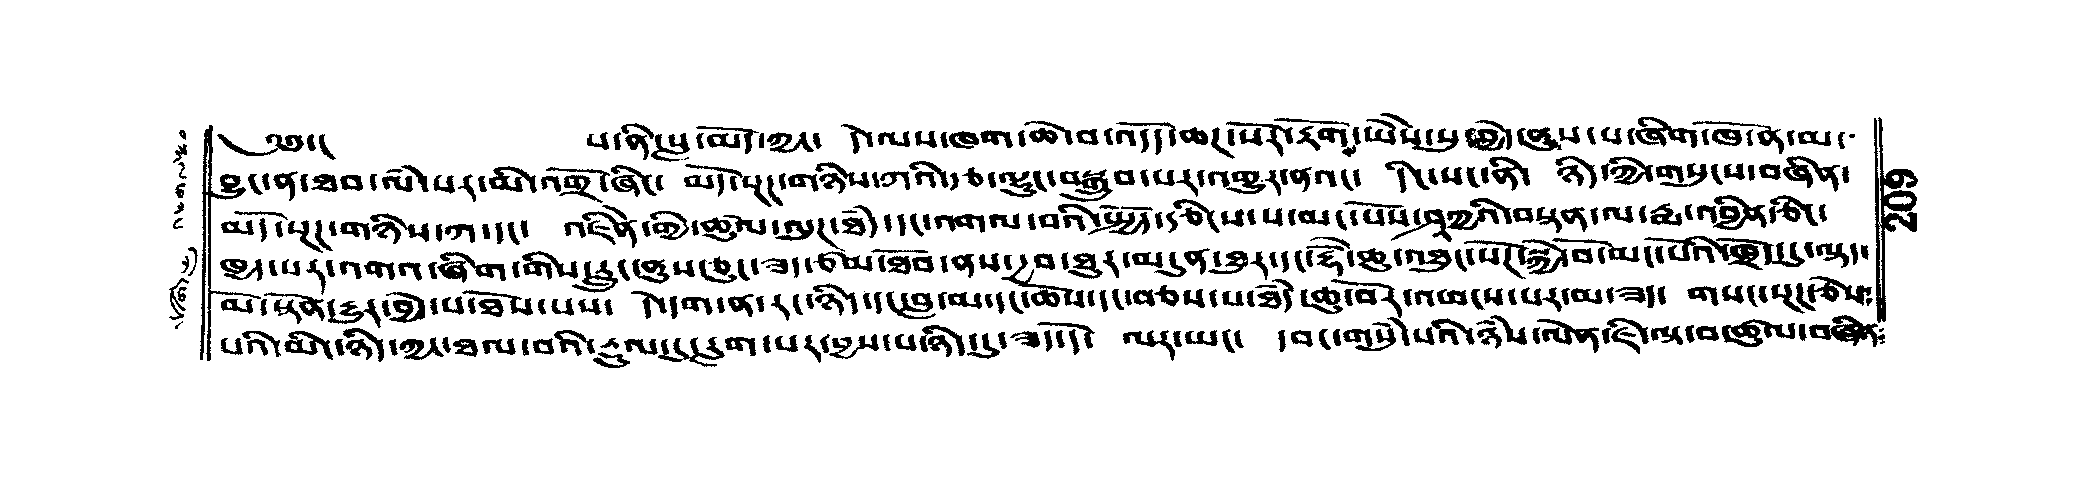པ་ནི་སླ་མོད་ཀྱང་། དེ་ལས་ཁག་ཆེ་བ་འདོད་ཆགས་སོར་རྟོགས་ཡེ་ཤེས་སུ་བྱེད་ནུས་པ་ཞིག་ཁོ་ན་མ་
བྱུང་ན་ཐབ་ལམ་པར་མི་འགྲོ་ཞིང་། མདོ་སྔགས་གཉིས་ཀའི་རྩ་ལྟུང་བསྒྲུབ་པར་འགྱུར་ནའང་། དིང་སང་ནི་ཉིད་ཀྱི་གསུངས་བཞིན་
མདོ་སྔགས་གཉིས་ཀ་དང་། འཇིག་རྟེན་གྱི་ཚུལ་ལུགས་ཐམས་ཅད་དང་འགལ་བའི་སྤྱོད། རྩིངས་པ་མང་པོས་ཤཱཀྱའི་བསྟན་ལ་རྨ་འབྱིན་ཅིང་། 
ཁྱད་པར་འགའ་ཞིག་གིས་རླུང་ནུས་ཅུང་ཟད་ཙམ་ཐོབ་ནས་རྒྱབ་ཐུར་མདུན་ཐུར་དང་རྡོ་རྗེ་ཆུ་འཐུང་སོགས་སྐྱེ་བོ་མང་པོའི་ཁྲོད་དུ་ལྟད་
མོ་སྟོན་རྒྱུར་བྱེད་པ་ཐོས་པས། དེ་དག་ན་རང་ཉིད་དང་བླ་མ་དང་ཆོས་དང་བཅས་པ་ཐམས་ཅད་ཆུ་བོར་འཕངས་པར་མ་ཟད། གསང་སྔགས་ཅེས་
པའི་མིང་ཉིད་ཀྱང་ཐལ་བའི་རྡུལ་དུ་རླག་པར་བྱས་པ་ཉིད་དུ་ཟད་དོ། ལར་ཡང་། དབང་གསུམ་པའི་ཉམས་ལེན་ཇི་ལྟ་བ་ཚུལ་བཞིན་